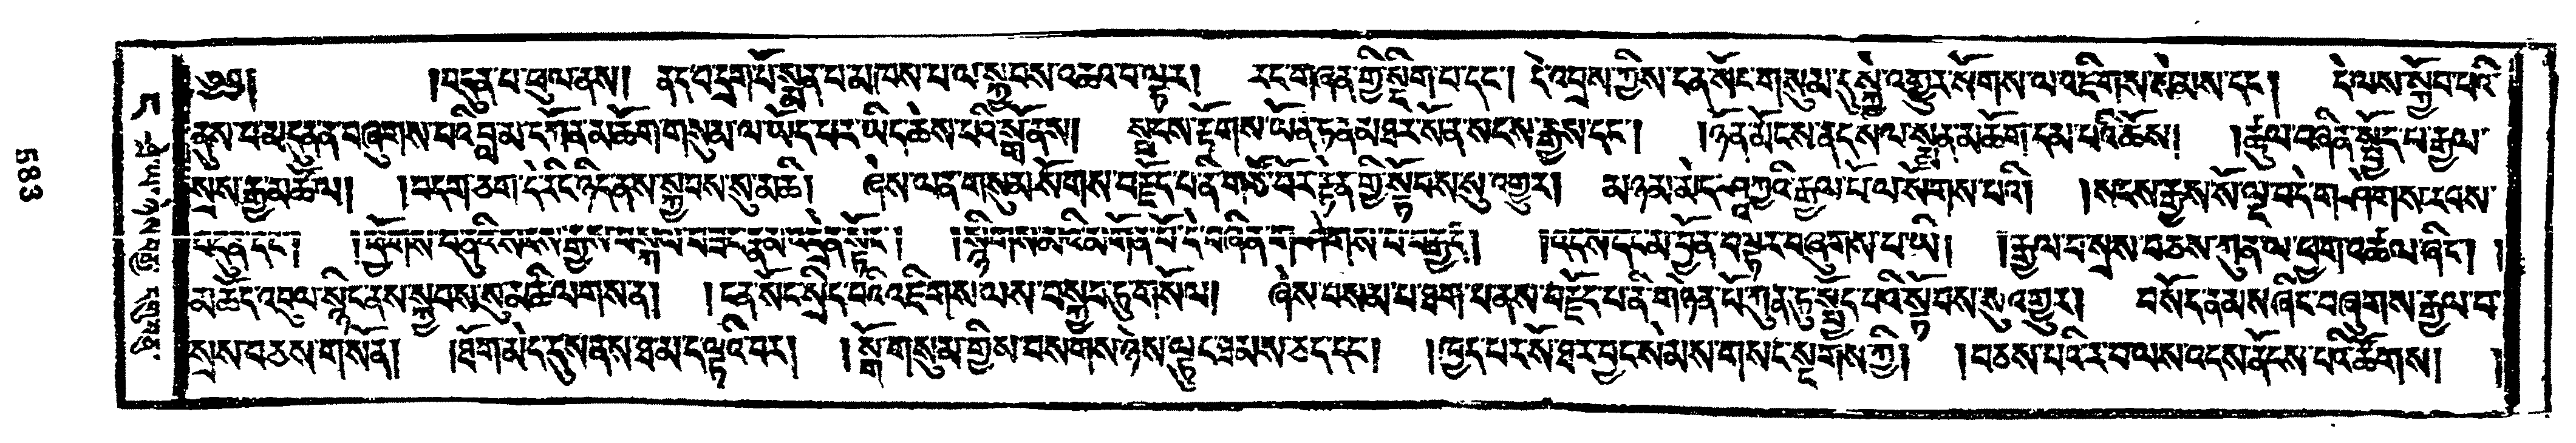༄༅། །བདུན་པ་ཕུལ་ནས། ནད་དྲག་པོ་སྨན་པ་མཁས་པ་ལ་སྐྱབས་འཆའ་བ་ལྟར། རང་གཞན་གྱི་སྡིག་པ་དང་། དེ་འབྲས་ཀྱིས་ངན་སོང་གསུམ་དུ་སྐྱེ་འགྱུར་སོགས་ལ་འཇིགས་སེམས་དང་། དེ་ལས་སྐྱོབ་པའི་
ནུས་པ་མདུན་ན་བཞུགས་པའི་བླ་མ་དཀོན་མཆོག་གསུམ་ལ་ཡོད་པར་ཡིད་ཆེས་པའི་སྒོ་ནས། སྦངས་རྟོགས་ཡོན་ཏན་མཐར་སོ་ན་སངས་རྒྱས་དང་། །ཉོན་མོངས་ནང་སལ་སྨན་མཆོག་དམ་པའི་ཆོས། །ཚུལ་བཞིན་སྤྱོད་པ་རྒྱལ་
སྲས་རྒྱ་མཚོ་ལ། །བདག་ཅག་དེ་རིང་ཉིད་ནས་སྐྱབས་སུ་མཆི། ཞེས་ལན་གསུམ་སོགས་བརྗོད་པ་ནི་གཙོ་བོར་རྟེན་གྱི་སྟོབས་སུ་འགྱུར། མཉམ་མེད་ཤཱཀྱའི་རྒྱལ་པོ་ལ་སོགས་པའི། །སངས་རྒྱས་སོ་ལྔ་བདེ་གཤེགས་རབས་
བདུན་དང་། །ཕྱོགས་བ་ཅུའི་སངས་རྒྱས་བསྐལ་བཟང་རྣམ་འདྲེན་སྟོང་། །སྙིགས་མའི་མགོན་པོ་དེ་བཞིན་གཤེགས་པ་བརྒྱད། །འདས་དང་མ་བྱོན་བལྟར་བཞུགས་པ་ཡི། །རྒྱལ་བ་སྲས་བཅས་ཀུན་ལ་ཕྱག་འཚལ་ཞིང་། །
མཆོད་འབུལ་སྙིང་ནས་སྐྱབས་སུ་མཆི་ལགས་ན། །ངན་སོང་སྲིད་པའི་འཇིགས་ལས་བསྐྱབ་ཏུ་གསོལ། ཞེས་བསམ་པ་ཐག་པ་ནས་བརྗོད་པ་ནི་གཉེན་པོ་ཀུན་ཏུ་སྤྱོད་པའི་སྟོབས་སུ་འགྱུར། བསོད་ནམས་ཞིང་བཞུགས་རྒྱལ་པ་
སྲས་བཅས་གསོན། །ཐོག་མེད་དུས་ནས་ཐ་མ་ད་ལྟའི་བར། །སྒོ་གསུམ་གྱིས་བསགས་ཉེས་ལྟུང་ཐམས་ཅད་དང་། །ཁྱད་པར་སོ་ཐར་བྱང་སེམས་གསང་སྔགས་ཀྱི། །བཅས་པའི་ར་བ་ལས་འདས་ནོངས་པའི་ཚོགས། །